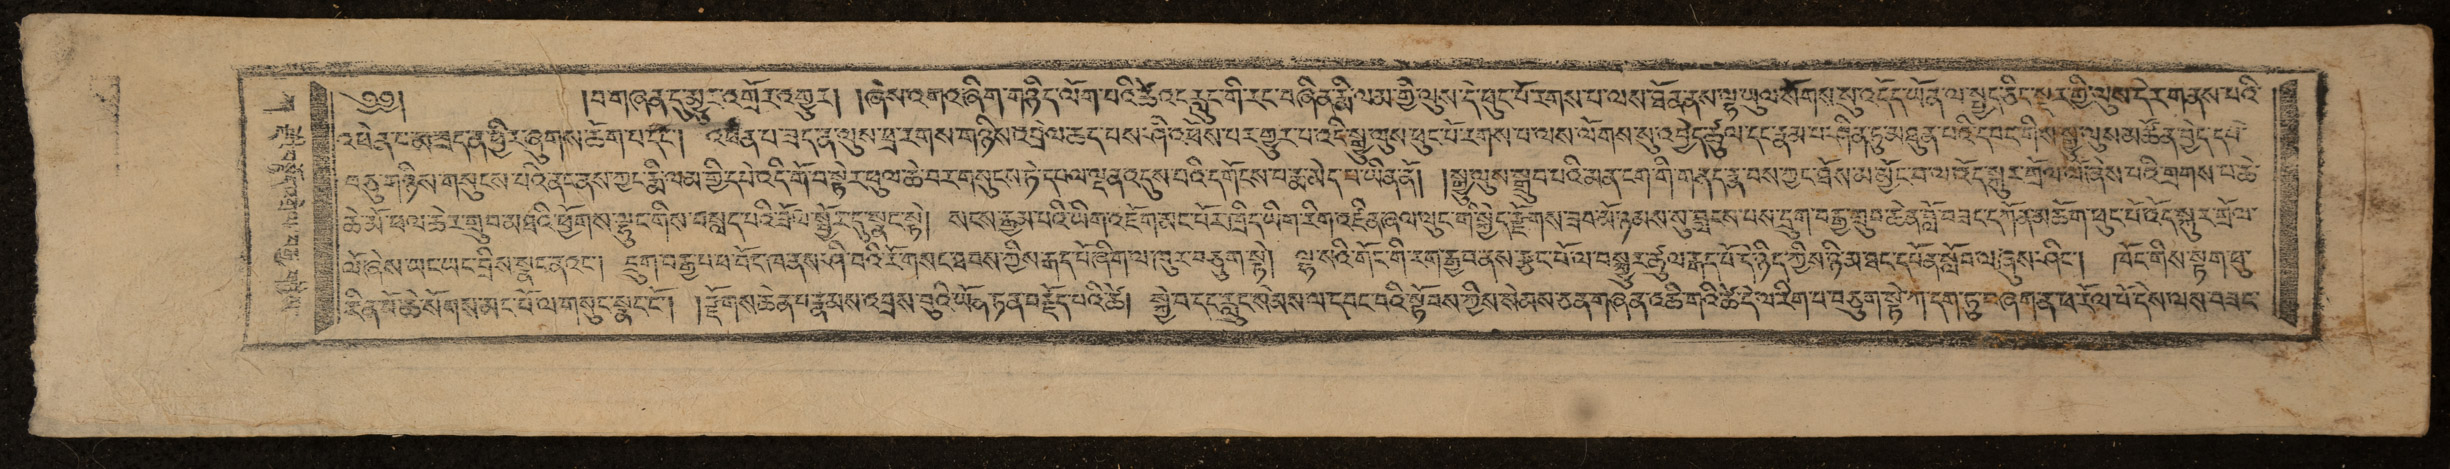༄༅། །བ་གཞན་དུ་མྱུར་འགྲོར་འགྱུར། །ཞེས་འགའ་ཞིག་གཉིད་ལོག་པའི་ཚེའང་རླུང་གི་རང་བཞིན་རྨི་ལམ་གྱི་ལུས་དེ་ཕུང་པོ་རགས་པ་ལས་ཐོན་ནས་ལྷ་ཡུལ་སོགས་སུ་འདོད་ཡོན་ལ་སྤྱད་ཅིང་སྔར་གྱི་ལུས་དེར་གནས་པའི་
འཕེན་པ་མ་ཟད་ན་ཕྱིར་ཞུགས་ཆོག་པ་དང་། འཕེན་པ་ཟད་ན་ལུས་ཕྲ་རགས་གཉིས་འབྲེལ་ཆད་པས་ཤི་འཕོས་པར་གྱུར་པ་འདི་སྒྱུ་ལུས་ཕུང་པོ་རགས་པ་ལས་ལོགས་སུ་འབྱེད་ཚུལ་དང་རྣམ་པ་ཤིན་ཏུ་མཐུན་པའི་དབང་གིས་སྒྱུ་ལུས་མཚོན་བྱེད་དཔེ་
བཅུ་གཉིས་གསུངས་པའི་ནང་ནས་ཀྱང་རྨི་ལམ་གྱི་དཔེ་འདི་གོ་བ་སྟེར་ཕུལ་ཆེ་བར་གསུངས་ཏེ་དཔལ་ལྡན་འདུས་པའི་དགོངས་པ་རྨ་མེད་པ་ཡིན་ནོ། །སྒྱུ་ལུས་སྒྲུབ་པའི་མན་ངག་གི་གནད་རྣ་བས་ཀྱང་ཐོས་མ་མྱོང་བ་ལ་འོད་སྐུར་གྲོལ་ལོ་ཞེས་པའི་གྲགས་པ་ཆེ་
ཆེ་མོ་ཕལ་ཆེར་གྲུབ་མཐའི་ཕྱོགས་ལྷུང་གིས་བསླང་བའི་ཟོལ་སྦྱོར་དུ་སྣང་སྟེ། སངས་རྒྱམ་པའི་ཡིག་འཇོག་མང་པོར་ཁྲིད་ཡིག་རིག་འཛིན་ཞལ་ལུང་གི་བསྐྱེད་རྫོགས་ཟབ་མོ་ཉམས་སུ་བླངས་པས་དྲུག་བརྒྱ་གྲུབ་ཆེན་བློ་བཟང་དཀོན་མཆོག་ཕུང་པོ་འོད་སྐུར་གྲོལ་
ལོ་ཞེས་ཡང་ཡང་བྲིས་སྣང་ནའང་། དྲུག་པ་རྒྱབ་ཕ་བོང་ཁ་ནས་ཤི་བའི་རོ་གསང་ཐབས་ཀྱིས་རྒད་པོ་ཞིག་ལ་ཁུར་བཅུག་སྟེ། ལྷ་སའི་གོང་གི་རག་རྒྱབ་ནས་གཙང་པོ་ལ་བསྐྱུར་ཚུལ་རྒད་པོ་དེ་ཉིད་ཀྱིས་ཉི་མཐར་དཔོན་སློབ་ལ་ཞུས་ཤིང་། ཁོང་གིས་སྟག་ཕུ་
རིན་པོ་ཆེ་སོགས་མང་པོ་ལ་གསུང་སྣང་ངོ། །རྫོགས་ཆེན་པ་རྣམས་འབྲས་བུའི་ཡོན་ཏན་བརྗོད་པའི་ཚེ། སྐྱེ་བ་དང་རླུང་སེམས་ལ་དབང་བའི་སྟོབས་ཀྱིས་སེམས་ཅན་གཞན་འཆི་གའི་ཚེ་དེ་ལ་རིག་བ་བཅུག་སྟེ་ཀ་དག་ཏུ་བཞག་ན་ཕ་རོལ་པོ་དེས་ལས་བཟང་